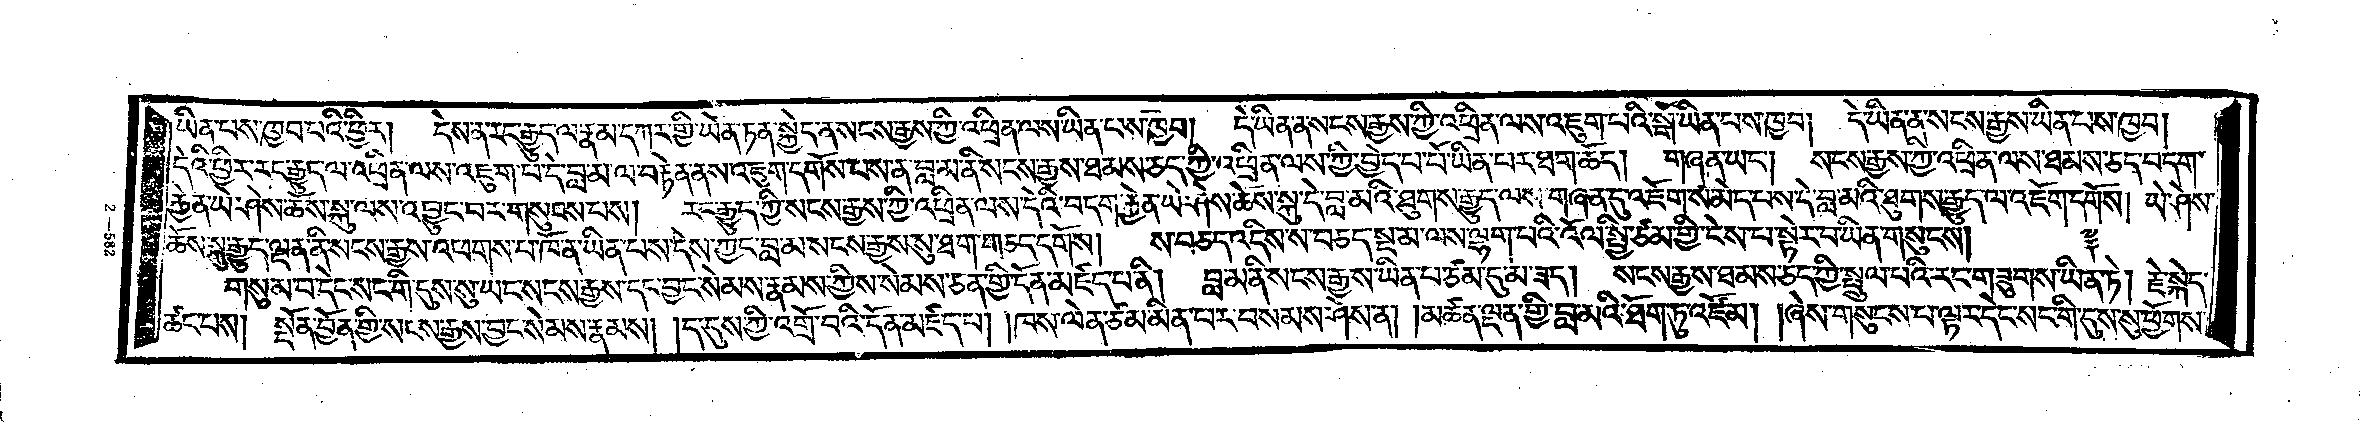ཡིན་པས་ཁྱབ་པའི་ཕྱིར། དེས་ན་རང་རྒྱུད་ལ་རྣམ་དཀར་གྱི་ཡོན་ཏན་སྐྱེད་ན་སངས་རྒྱས་ཀྱི་འཕྲིན་ལས་ཡིན་པས་ཁྱབ། དེ་ཡིན་ན་སངས་རྒྱས་ཀྱི་འཕྲིན་ལས་འཇུག་པའི་སྒོ་ཡིན་པས་ཁྱབ། དེ་ཡིན་ན་སངས་རྒྱས་ཡིན་པས་ཁྱབ།
དེའི་ཕྱིར་རང་རྒྱུད་ལ་འཕྲིན་ལས་འཇུག་པ་དེ་བླ་མ་ལ་བརྟེན་ནས་འཇུག་དགོས་པས་ན་བླ་མ་ནི་སངས་རྒྱས་ཐམས་ཅད་ཀྱི་འཕྲིན་ལས་ཀྱི་བྱེད་པ་པོ་ཡིན་པར་ཐག་ཆོད། གཞན་ཡང་། སངས་རྒྱས་ཀྱི་འཕྲིན་ལས་ཐམས་ཅད་བདག་
རྐྱེན་ཡེ་ཤེས་ཆོས་སྐུ་ལས་འབྱུང་བར་གསུབས་པས། རང་རྒྱུད་ཀྱི་སངས་རྒྱས་ཀྱི་འཕྲིན་ལས་དེའི་བདག་རྐྱེན་ཡེ་ཤེས་ཆོས་སྐུ་དེ་བླ་མའི་ཐུགས་རྒྱུད་ལས་གཞན་དུ་འཇོགས་མེད་པས་དེ་བླ་མའི་ཐུགས་རྒྱུད་ལ་འཇོག་དགོས། ཡེ་ཤེས་
ཆོས་སྐུ་རྒྱུད་ལྡན་ནི་སངས་རྒྱས་འཕགས་པ་ཁོ་ན་ཡིན་པས་དེས་ཀྱང་བླ་མ་སངས་རྒྱས་སུ་ཐག་གཅད་དགོས། ས་བཅད་འདིས་ས་བཅད་སྔ་མ་ལས་ལྷག་པའི་འོལ་སྤྱི་ཙམ་གྱི་ངེས་པ་སྟེར་བ་ཡིན་གསུངས། ༈
གསུམ་བ་དེང་སང་གི་དུས་སུ་ཡང་སངས་རྒྱས་དང་བྱང་སེམས་རྣམས་ཀྱིས་སེམས་ཅན་གྱི་དོན་མཛད་པ་ནི། བླ་མ་ནི་སངས་རྒྱས་ཡིན་པ་ཙམ་དུ་མ་ཟད། སངས་རྒྱས་ཐམས་ཅད་ཀྱི་སྤྲུལ་པའི་རང་གཟུགས་ཡིན་ཏེ། རྗེ་སྐེད་
ཚང་པས། སྔོན་བྱོན་གྱི་སངས་རྒྱས་བྱང་སེམས་རྣམས། །ད་དུས་ཀྱི་འགྲོ་བའི་དོན་མཛད་པ། །ཁས་ལེན་ཙམ་མིན་པར་བསམས་ཤེས་ན། །མཚན་ལྡན་གྱི་བླ་མའི་ཐོག་ཏུ་འཛོམ། །ཞེས་གསུངས་པ་ལྟར་དེང་སང་གི་དུས་སུ་ཕྱོགས་